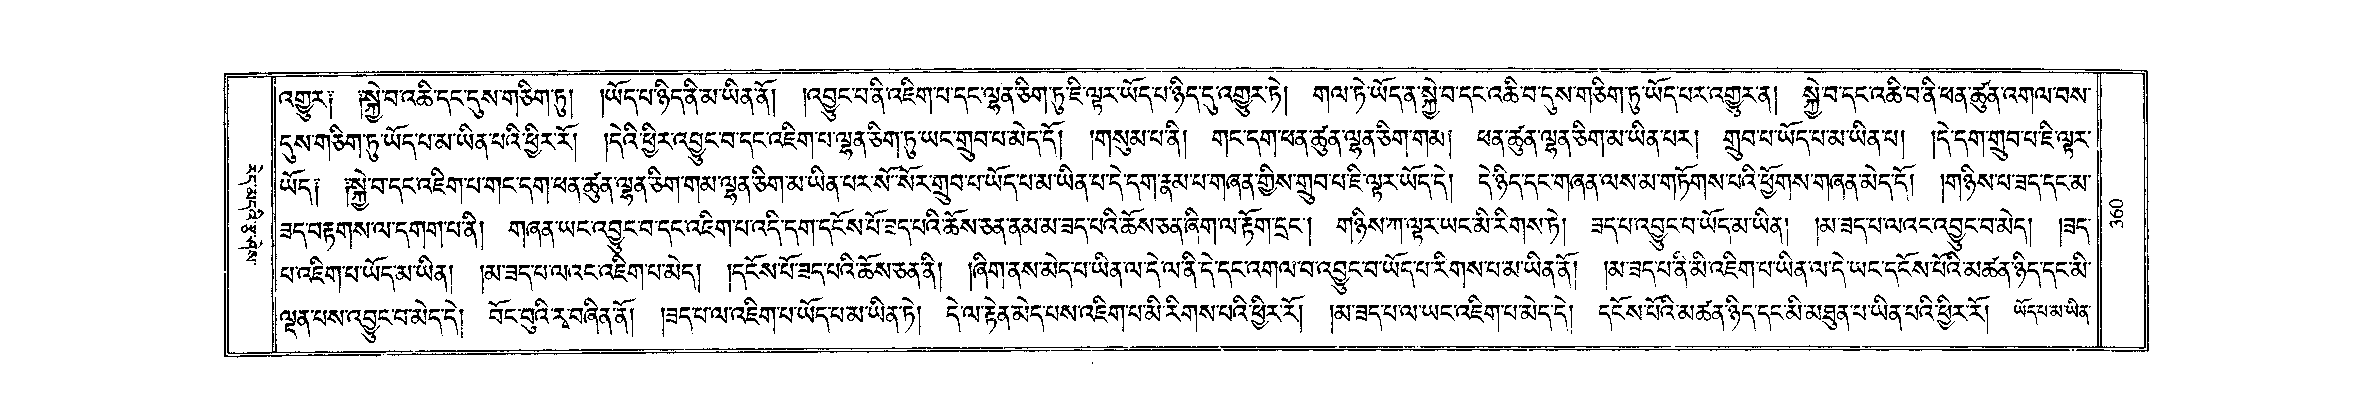འགྱུར༑ ༑སྐྱེ་བ་འཆི་དང་དུས་གཅིག་ཏུ། །ཡོད་པ་ཉིད་ནི་མ་ཡིན་ནོ། །འབྱུང་བ་ནི་འཇིག་པ་དང་ལྷན་ཅིག་ཏུ་ཇི་ལྟར་ཡོད་པ་ཉིད་དུ་འགྱུར་ཏེ། གལ་ཏེ་ཡོད་ན་སྐྱེ་བ་དང་འཆི་བ་དུས་གཅིག་ཏུ་ཡོད་པར་འགྱུར་ན། སྐྱེ་བ་དང་འཆི་བ་ནི་ཕན་ཚུན་འགལ་བས་
དུས་གཅིག་ཏུ་ཡོད་པ་མ་ཡིན་པའི་ཕྱིར་རོ། །དེའི་ཕྱིར་འབྱུང་བ་དང་འཇིག་པ་ལྷན་ཅིག་ཏུ་ཡང་གྲུབ་པ་མེད་དོ། །གསུམ་པ་ནི། གང་དག་ཕན་ཚུན་ལྷན་ཅིག་གམ། ཕན་ཚུན་ལྷན་ཅིག་མ་ཡིན་པར། གྲུབ་པ་ཡོད་པ་མ་ཡིན་པ། །དེ་དག་གྲུབ་པ་ཇི་ལྟར་
ཡོད༑ ༑སྐྱེ་བ་དང་འཇིག་པ་གང་དག་ཕན་ཚུན་ལྷན་ཅིག་གམ་ལྷན་ཅིག་མ་ཡིན་པར་སོ་སོར་གྲུབ་པ་ཡོད་པ་མ་ཡིན་པ་དེ་དག་རྣམ་པ་གཞན་གྱིས་གྲུབ་པ་ཇི་ལྟར་ཡོད་དེ། དེ་ཉིད་དང་གཞན་ལས་མ་གཏོགས་པའི་ཕྱོགས་གཞན་མེད་དོ། །གཉིས་པ་ཟད་དང་མ་
ཟད་བརྟགས་ལ་དགག་པ་ནི། གཞན་ཡང་འབྱུང་བ་དང་འཇིག་པ་འདི་དག་དངོས་པོ་ཟད་པའི་ཆོས་ཅན་ནམ་མ་ཟད་པའི་ཆོས་ཅན་ཞིག་ལ་རྟོག་དྲང་། གཉིས་ཀ་ལྟར་ཡང་མི་རིགས་ཏེ། ཟད་པ་འབྱུང་པ་ཡོད་མ་ཡིན། །མ་ཟད་པ་ལའང་འབྱུང་བ་མེད། །ཟད་
པ་འཇིག་པ་ཡོད་མ་ཡིན། །མ་ཟད་པ་ལའང་འཇིག་པ་མེད། །དངོས་པོ་ཟད་པའི་ཆོས་ཅན་ནི། །ཞིག་ནས་མེད་པ་ཡིན་ལ་དེ་ལ་ནི་དེ་དང་འགལ་བ་འབྱུང་བ་ཡོད་པ་རིགས་པ་མ་ཡིན་ནོ། །མ་ཟད་པ་ནི་མི་འཇིག་པ་ཡིན་ལ་དེ་ཡང་དངོས་པོའི་མཚན་ཉིད་དང་མི་
ལྡན་པས་འབྱུང་བ་མེད་དེ། བོང་བུའི་རྭ་བཞིན་ནོ། །ཟད་པ་ལ་འཇིག་པ་ཡོད་པ་མ་ཡིན་ཏེ། དེ་ལ་རྟེན་མེད་པས་འཇིག་པ་མི་རིགས་པའི་ཕྱིར་རོ། །མ་ཟད་པ་ལ་ཡང་འཇིག་པ་མེད་དེ། དངོས་པོའི་མཚན་ཉིད་དང་མི་མཐུན་པ་ཡིན་པའི་ཕྱིར་རོ། ཡོད་པ་མ་ཡིན་